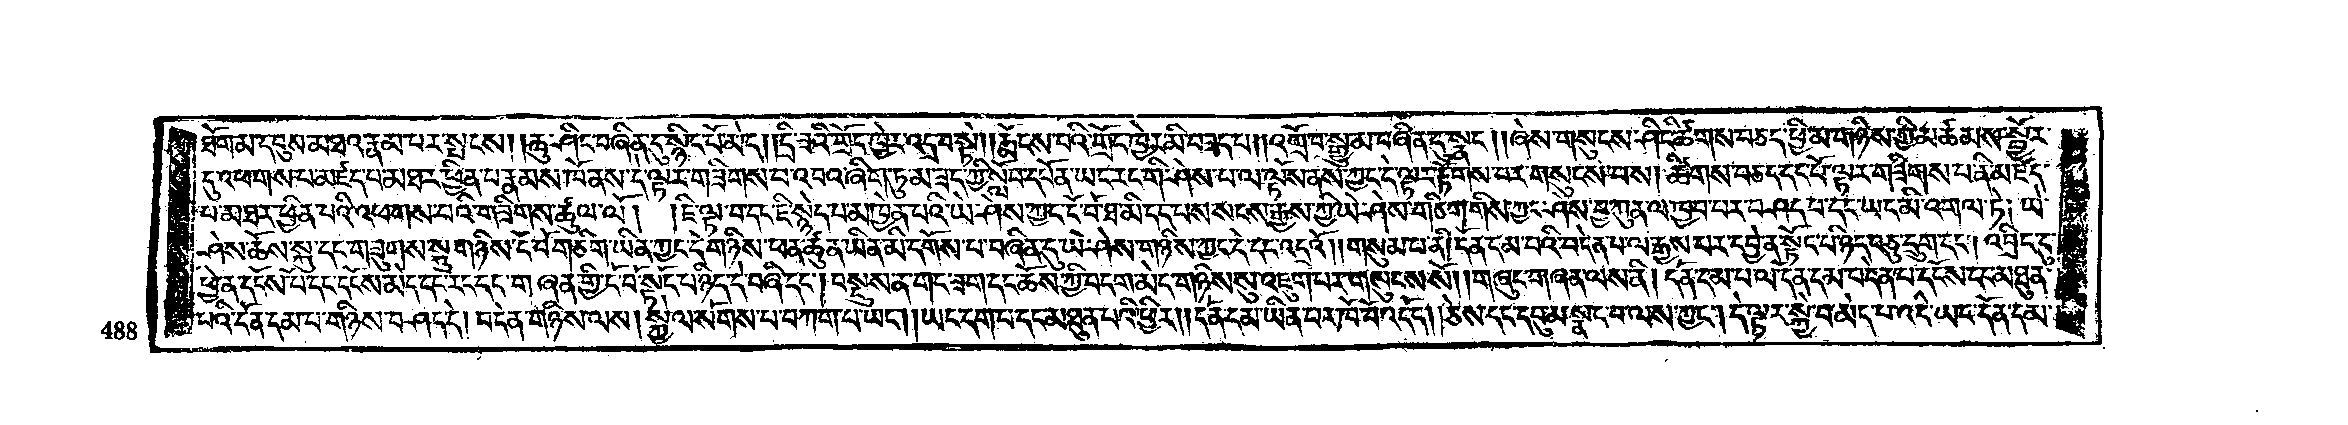ཐོག་མ་དབུས་མཐའ་རྣམ་པར་སྤངས། །ཆུ་ཤིང་བཞིན་དུ་སྙིང་པོ་མེད། །དྲི་ཟའི་གྲོང་ཁྱེར་འདྲ་བ་སྟེ། །རྨོངས་པའི་གྲོང་ཁྱེར་མི་བཟད་པ། །འགྲོ་བ་སྒྱུ་མ་བཞིན་དུ་སྣང་། །ཞེས་གསུངས་ཤིང་ཚིགས་བཅད་ཕྱི་མ་གཉིས་ཀྱི་མཚམས་སྦྱོར་
དུ་འཕགས་པ་མཛད་པ་མཐར་ཕྱིན་པ་རྣམས་ཁོ་ནས་དེ་ལྟར་གཟིགས་པ་འབའ་ཞིག་ཏུ་མ་ཟད་ཀྱི་སློབ་དཔོན་ཡང་རང་གི་ཤེས་པ་ལ་ལྟོས་ནས་ཀྱང་དེ་ལྟར་རྟོགས་པར་གསུངས་པས། ཚིགས་བད་དང་པོ་ལྟར་གཟིགས་པ་ནི་མཛད་
པ་མཐར་ཕྱིར་པའི་འཕགས་པའི་གཟིགས་ཚུལ་ལོ། །ཇི་ལྟ་བ་དང་ཇི་སྙེད་པ་མཁྱེན་པའི་ཡེ་ཤེས་ཀྱང་ངོ་བོ་ཐ་མི་དད་པས་སངས་རྒྱས་ཀྱི་ཡེ་ཤེས་གཅིག་གིས་ཀྱང་ཤེས་བྱ་ཀུན་ལ་ཁྱབ་པར་བཤད་པ་དང་ཡང་མི་འགལ་ཏེ། ཡེ་
ཤེས་ཆོས་སྐུ་དང་གཟུགས་སྐུ་གཉིས་ངོ་བོ་གཅིག་ཡིན་ཀྱང་དེ་གཉིས་ཕན་ཚུན་ཡིན་མི་དགོས་པ་བཞིན་དུ་ཡེ་ཤེས་གཉིས་ཀྱང་དེ་དང་འདྲའོ། །གསུམ་པ་ནི། དོན་དམ་པའི་བདེན་པ་ལ་རྒྱས་པར་དབྱེ་ན་སྟོང་པ་ཉིད་བཅུ་དྲུག་དང་། འབྲིང་དུ་
ཕྱེ་ན་དངོས་པོ་དང་དངོས་མེད་དང་རང་དང་གཞན་གྱི་ངོ་བོ་སྟོང་པ་ཉིད་དེ་བཞི་དང་། བསྡུས་ན་གང་ཟག་དང་ཆོས་ཀྱི་བདག་མེད་གཉིས་སུ་འཇུག་པར་གསུངས་སོ། །གཞུང་གཞན་ལས་ནི། དོན་དམ་པ་ལ་དོན་དམ་བདེན་པ་དངོས་དང་མཐུན་
པའི་དོན་དམ་པ་གཉིས་བཤད་དེ། བདེན་གཉིས་ལས། སྐྱེ་ལ་སོགས་པ་བཀག་པ་ཡང་། །ཡང་དག་པ་དང་མཐུན་པའི་ཕྱིར། །དོན་དམ་ཡིན་པར་ཁོ་བོ་འདོད། །ཅེས་དང་དབུ་མ་སྣང་བ་ལས་ཀྱང་། དེ་ལྟར་སྐྱེ་བ་མེད་པ་འདི་ཡང་དོན་དམ་